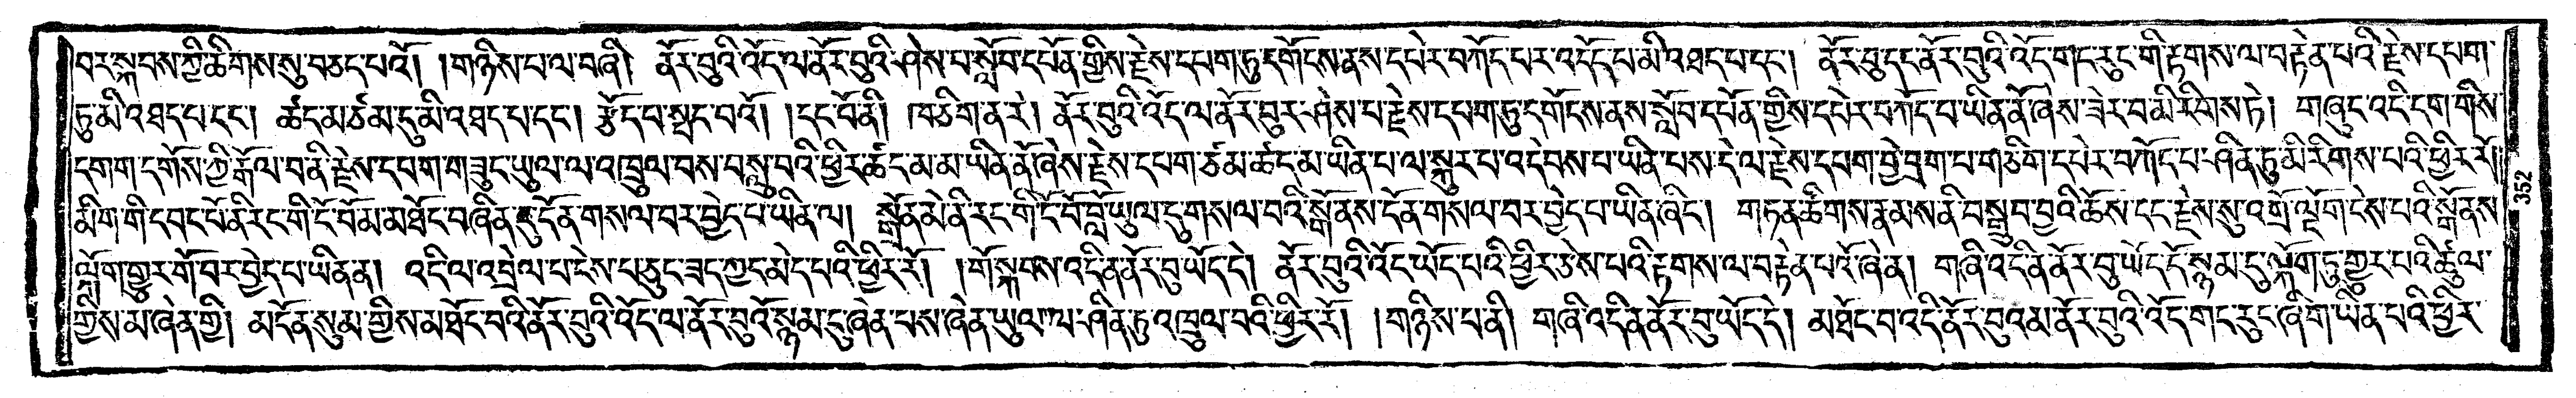བར་སྐབས་ཀྱི་ཚིགས་སུ་བཅད་པའོ། །གཉིས་པ་ལ་བཞི། ནོར་བུའི་འོད་ལ་ནོར་བུའི་ཤེས་པ་སློབ་དཔོན་གྱིས་རྗེས་དཔག་ཏུ་དགོངས་ནས་དཔེར་བཀོད་པར་འདོད་པ་མི་འཐད་པ་དང་། ནོར་བུ་དང་ནོར་བུའི་འོད་གང་རུང་གི་རྟགས་ལ་བརྟེན་པའི་རྗེས་དཔག་
ཏུ་མི་འཐད་པ་དང་། ཚད་མ་ཙམ་དུ་མི་འཐད་པ་དང་། རྩོད་པ་སྤང་བའོ། །དང་པོ་ནི། ཁ་ཅིག་ན་རེ། ནོར་བུའི་འོད་ལ་ནོར་བུར་ཤེས་པ་རྗེས་དཔག་ཏུ་དགོངས་ནས་སློབ་དཔོན་གྱིས་དཔེར་བཀོད་པ་ཡིན་ནོ་ཞེས་ཟེར་བ་མི་རིགས་ཏེ། གཞུང་འདི་དག་གིས་
དགག་དགོས་ཀྱི་རྒོལ་བ་ནི་རྗེས་དཔག་གཟུང་ཡུལ་ལ་འཁྲུལ་བས་བསླུ་བའི་ཕྱིར་ཚད་མ་མ་ཡིན་ནོ་ཞེས་རྗེས་དཔག་ཙམ་ཚད་མ་ཡིན་པ་ལ་སྐུར་བ་འདེབས་པ་ཡིན་པས་དེ་ལ་རྗེས་དཔག་བྱེ་བྲག་པ་གཅིག་དཔེར་བཀོད་པ་ཤིན་ཏུ་མི་རིགས་པའི་ཕྱིར་རོ།
མིག་གི་དབང་པོ་ནི་རང་གི་ངོ་བོ་མ་མཐོང་བཞིན་དུ་དོན་གསལ་བར་བྱེད་པ་ཡིན་ལ། སྒྲོན་མེ་ནི་རང་གི་ངོ་བོ་བློ་ཡུལ་དུ་གསལ་བའི་སྒོ་ནས་དོན་གསལ་བར་བྱེད་པ་ཡིན་ཞིང་། གཏན་ཚིགས་རྣམས་ནི་བསྒྲུབ་བྱའི་ཆོས་དང་རྗེས་སུ་འགྲོ་ལྡོག་ངེས་པའི་སྒོ་ནས་
ལྐོག་གྱུར་གོ་བར་བྱེད་པ་ཡིན་ན། འདི་ལ་འབྲེལ་པ་ངེས་པ་ཅུང་ཟད་ཀྱང་མེད་པའི་ཕྱིར་རོ། །གོ་སྐབས་འདི་ན་ནོར་བུ་ཡོད་དེ། ནོར་བུའི་འོད་ཡོད་པའི་ཕྱིར་ཅེས་པའི་རྟགས་ལ་བརྟེན་པའོ་ཞེ་ན། གཞི་འདི་ན་ནོར་བུ་ཡོད་དོ་སྙམ་དུ་ལྐོག་ཏུ་གྱུར་པའི་ཚུལ་
གྱིས་མ་ཞེན་གྱི། མངོན་སུམ་གྱིས་མཐོང་བའི་ནོར་བུའི་འོད་ལ་ནོར་བུའོ་སྙམ་དུ་ཞེན་པས་ཞེན་ཡུལ་ལ་ཤིན་ཏུ་འཁྲུལ་བའི་ཕྱིར་རོ། །གཉིས་པ་ནི། གཞི་འདི་ན་ནོར་བུ་ཡོད་དེ། མཐོང་བ་འདི་ནོར་བུའམ་ནོར་བུའི་འོད་གང་རུང་ཞིག་ཡིན་པའི་ཕྱིར་